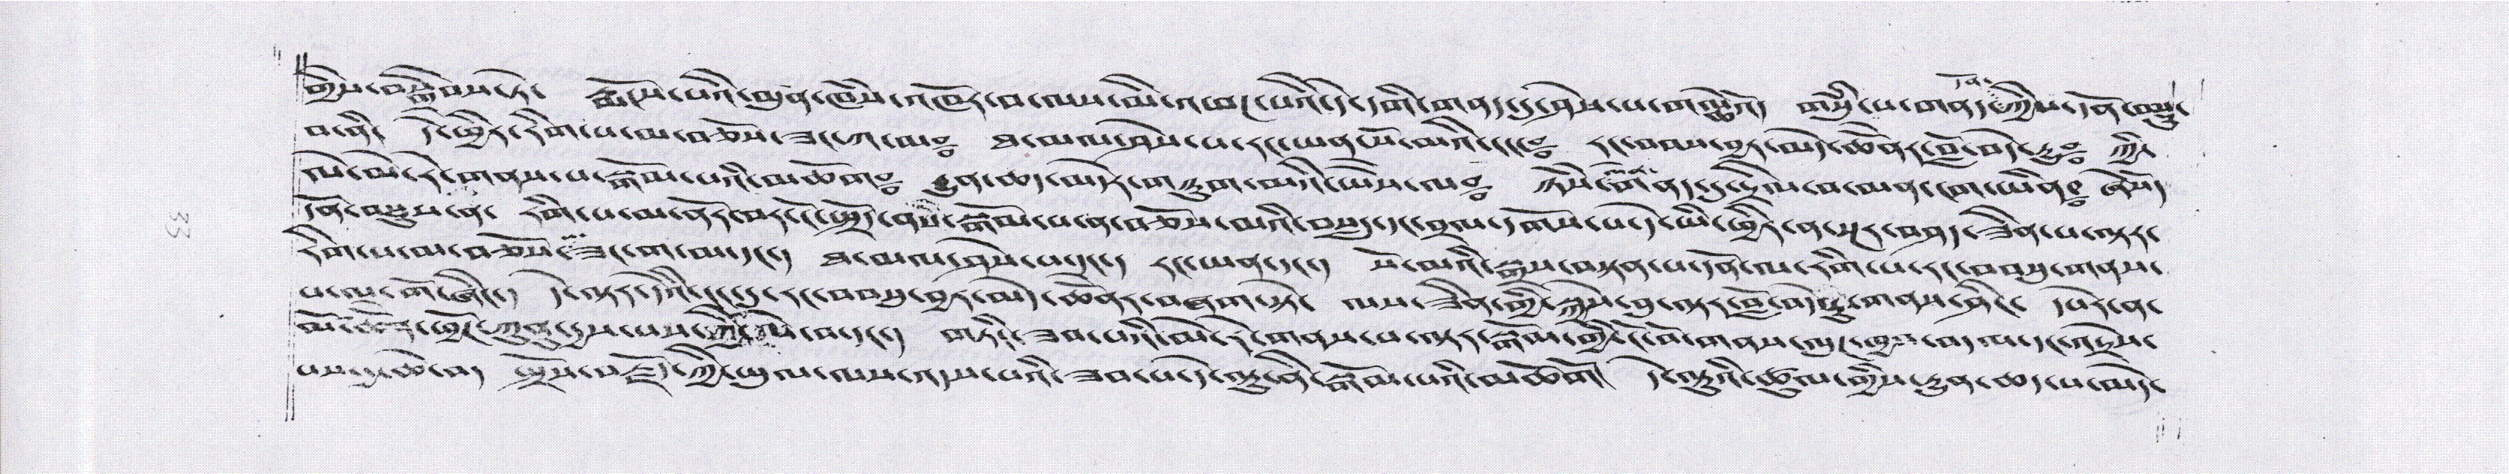གྱིས་བསྒྲིབས་ཏེ། རྨོངས་པའི་མུན་ཁམས་འཁོར་བ་ལས་མི་འཕགས་པས་དེ་དག་གི་གནད་དུ་ཤེས་པ་གལ་ཆེའོ། གསུམ་པ་གནད་དོན་གྱིས་དོན་བསྡུ་
བ་ནི། དེ་ཕྱིར་རིག་པ་མ་བཅོས་ཟང་ཀ་མཿ ཐ་མལ་ཤེས་པ་རང་ཡན་སོ་མའི་ངངཿ རང་བབས་བྱར་མེད་ཆེན་པོར་བློ་བདེ་རྒྱུཿ ཀྱི་
ལེ་མེར་རེ་གནས་པ་སྒོམ་པའི་མཆོགཿ རྒྱུན་ཆད་མེད་པར་གཉུག་མའི་ཡེ་ཤེས་ལཿ ཉམས་ལེན་གནད་དུ་དྲིལ་བ་མན་ངག་ཡིནཿ ཞེས་སོ། 
དོན་བསྡུས་ན། རིག་པ་མ་ནོར་བར་ངོ་སྤྲོད་ནས་སྒོམ་པ་ན་བཅོས་མའི་སླད་པ་དང་བྲལ་དགོས་པ་དེ་ཡི་ཕྱིར་ན་སྔར་བཤད་ཟིན་པ་ལྟར། 
རིག་པ་མ་བཅོས་པ་ཟང་ཀ་མ་དང་། ཐ་མལ་ཤེས་པ་དང་། རང་ཡན་དང་། སོ་མའི་སྒྲས་བསྟན་པ་དོན་ལ་རིག་པ་རང་བབས་སུ་གནས་
པ་ལ་གོ་ཞིང་། དེ་ལྟར་དེའི་ངང་དུ་རང་བབས་སུ་བྱར་མེད་ཆེན་པོར་བཞག་སྟེ་ལས་ཟིན་གྱི་སྐྱེས་བུ་ལྟར་བློ་བདེ་རུ་གནས་ཤིང་། དཔེར་ན། 
མཚོ་ཆེན་པོ་ཕྱོགས་ཀུན་ཏུ་རྒྱས་པས་ཀྱི་ལེ་བ་དང་། གཏིང་ཟབ་པས་མེར་རེ་གནས་པ་ལྟར་སྒོམ་གྱི་ངོ་བོ་གནས་ལུགས་ཁྱབ་བདལ་དང་འདྲེས་
པས་རྒྱ་ཆེ་བ། སྤྲོས་བརྗོད་ཀྱི་ཡུལ་ལས་འདས་པས་ཟབ་པ་དེ་ལྟ་བུ་ནི་སྒོམ་པའི་མཆོག་གོ དེ་ལྟ་བུའི་ཚུལ་གྱིས་རྒྱུན་ཆད་པ་མེད་